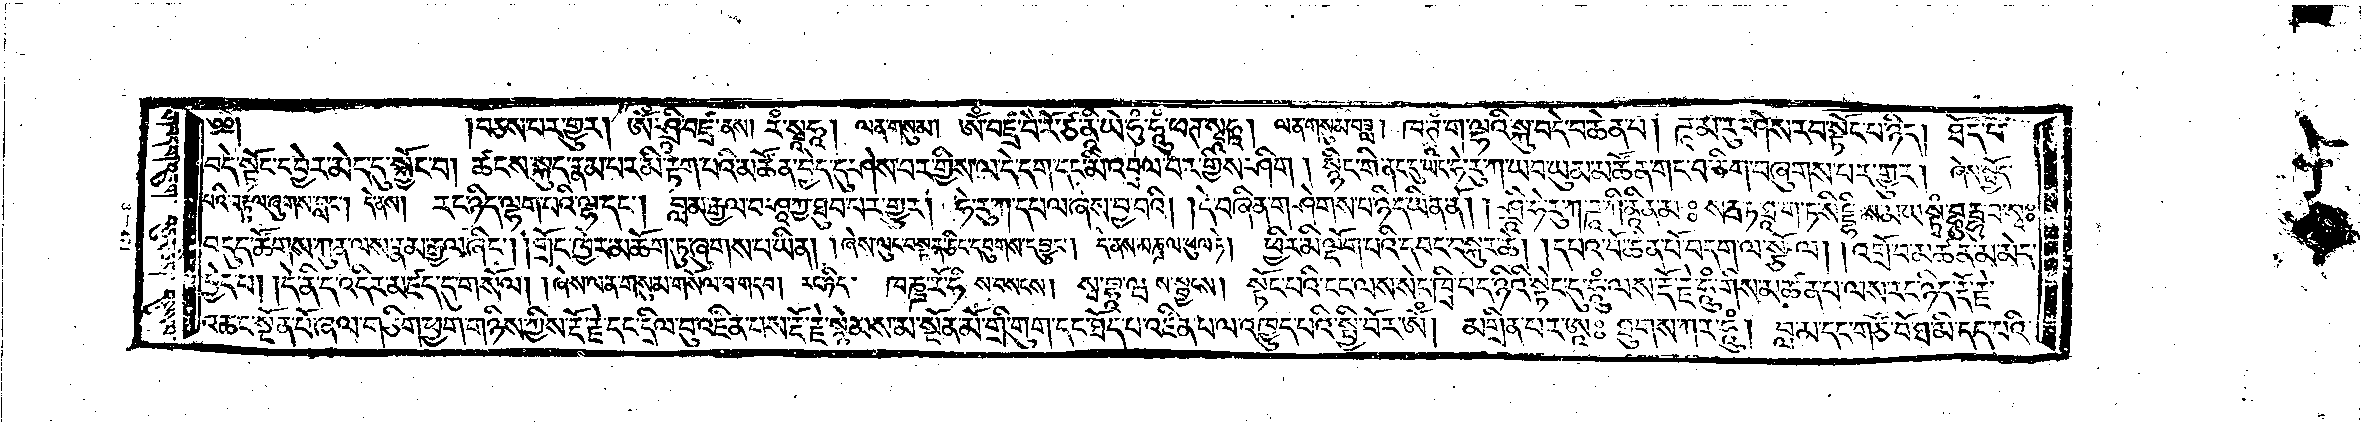༄༅། །བཅས་པར་གྱུར། ཨོཾ་ཤྲཱི་བཛྲ་ནས།  རཾ་སྭཱཧཱ། ལན་གསུམ།  ཨོཾ་བཛྲ་བཻ་རོ་ཙ་ནཱི་ཡེ་ཧུཾ་ཧཱུཾ་ཕཊ་སྭཱཧཱ། ལན་གསུམ་བཟླ།  ཁ་ཊཱཾ་ག་ལྷའི་སྐུ་བདེ་བ་ཆེན་པོ། ཌཱ་མ་རུ་ཤེས་རབ་སྟོང་པ་ཉིད། ཐོད་པ་
བདེ་སྟོང་དབྱེར་མེད་དུ་སྐྱོང་བ། ཚངས་སྐུད་རྣམ་པར་མི་རྟག་པའི་མཚོན་བྱེད་དུ་ཤེས་བར་གྱིས་ལ་དེ་དག་དང་མི་འབྲལ་བར་གྱིས་ཤིག །སྙིང་གི་ནང་དུ་ཡང་ཧེ་རུ་ཀ་ཡབ་ཡུམ་མཚོན་གང་བ་ཅིག་བཞུགས་པར་གྱུར། ཞེས་སྤྱོད་
པའི་བརྟུལ་ཞུགས་བླང་། དེ་ནས། རང་ཉིད་ལྷག་པའི་ལྷ་དང་། བླ་མ་རྒྱལ་བ་ཤཱཀྱ་ཐུབ་པར་གྱུར། ཧེ་རུ་ཀ་དཔལ་ཞེས་བྱ་བའི། །དེ་བཞིན་གཤེགས་པ་ཉིད་ཡིན་ནོ། །ཤྲཱི་ཧེ་རུ་ཀ་ཌཱ་ཀི་ནཱི་ན་མཿསརྦ་ཏ་ཐཱ་ག་ཏ་སིབདྷིཿས་མ་ཡ་སྟྭཾ་བྷུརྦྷུ་བ་སྭཿ
བདུད་ཚོགས་ཀུན་ལས་རྣམ་རྒྱལ་ཞིང་། །གྲོང་ཁྱེར་མཆོག་ཏུ་ཞུགས་པ་ཡིན། །ཞེས་ལུང་བསྟན་ཅིང་དབུགས་དབྱུང་། དེ་ནས་མཎྜལ་ཕུལ་ཏེ།  ཕྱིར་མི་ལྡོག་པའི་དབང་བསྐུར་ཆེ། །དཔའ་བོ་ཆེན་པོ་བདག་ལ་སྩོལ། །འགྲོ་བ་མཚན་མ་མེད་
བྱེད་པ། །དེ་ནི་ད་འདིར་མཛད་དུ་གསོལ། །ཞེས་ལན་གསུམ་གསོལ་བ་གདབ། རང་ཉིད་ཁཎྜ་རོ་ཧིས་བསངས།  སྭ་བྷཱ་ཝས་སྦྱངས།  སྟོང་པའི་ངང་ལས་སེང་ཁྲི་པད་ཉིའི་སྟེང་དུ་ཧཱུཾ་ལས་རྡོ་རྗེ་ཧཱུཾ་གིས་མཚན་པ་ལས་རང་ཉིད་རྡོ་རྗེ་
འཆང་སྔོན་པོ་ཞལ་གཅིག་ཕྱག་གཉིས་ཀྱིས་རྡོ་རྗེ་དང་དྲིལ་བུ་འཛིན་པས་རྡོ་རྗེ་སྙེམས་མ་སྔོན་མོ་གྲི་གུག་དང་ཐོད་པ་འཛིན་པ་ལ་འཁྱུད་པའི་སྤྱི་བོར་ཨོཾ། མགྲིན་པར་ཨཱཿཐུགས་ཀར་ཧཱུཾ། བླ་མ་དང་གཙོ་བོ་ཐ་མི་དད་པའི་